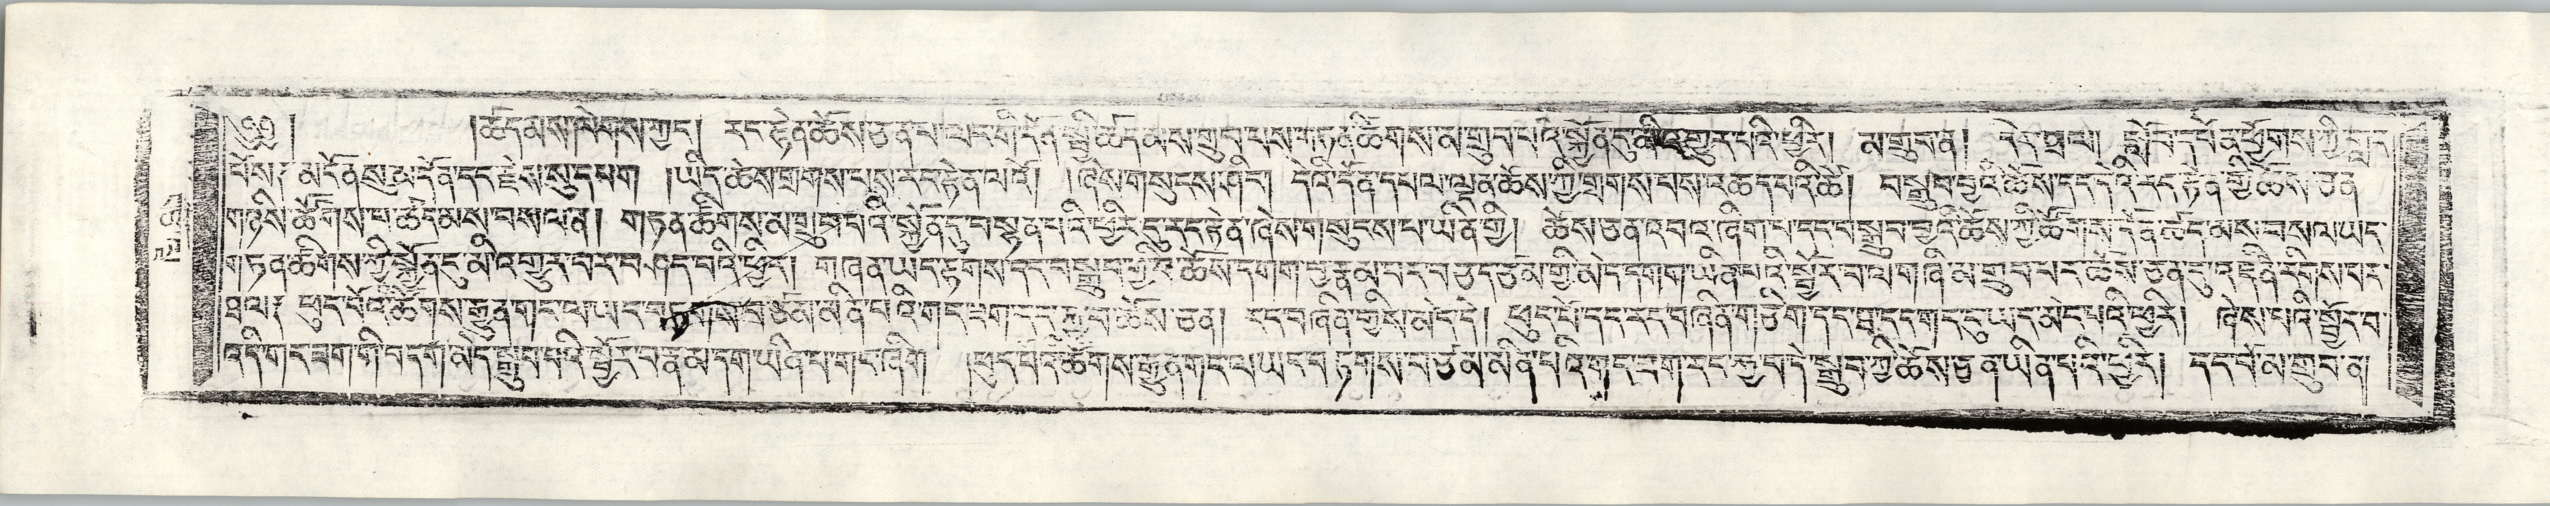༄༅། །ཚད་མས་ཁེགས་ཀྱང་། རང་རྟེན་ཆོས་ཅན་བ་ལང་གི་དོན་སྤྱི་ཚད་མས་གྲུབ་པས་གཏན་ཚིགས་མ་གྲུབ་པའི་སྐྱོན་དུ་མི་འགྱུར་བའི་ཕྱིར། མ་གྲུབ་ན། དེར་ཐལ། སློབ་དཔོན་ཕྱོགས་ཀྱི་གླང་
བོས། མངོན་སུམ་དོན་དང་རྗེས་སུ་དཔག །ཡིད་ཆེས་གྲགས་པས་རང་རྟེན་ལའོ། །ཞེས་གསུངས་ཤིང་། དེའི་དོན་དཔལ་ལྡན་ཆོས་ཀྱི་གྲགས་པས་འཆད་པའི་ཚེ། བསྒྲུབ་བྱའི་ཆོས་དང་དེའི་རང་རྟེན་གྱི་ཆོས་ཅན་
གཉིས་ཚོགས་པ་ཚད་མས་བསལ་ན། གཏན་ཚིགས་མ་གྲུབ་པའི་སྐྱོན་དུ་བསྟན་པའི་ཕྱིར་དུ་རང་རྟེན་ཞེས་གསུངས་པ་ཡིན་གྱི། ཆོས་ཅན་འབའ་ཞིག་པ་དང་བསྒྲུབ་བྱའི་ཆོས་ཀྱི་ཚོགས་དོན་ཚད་མས་བསལ་ཡང་
གཏན་ཚིགས་ཀྱི་སྐྱོན་དུ་མི་འགྱུར་བར་བཤད་པའི་ཕྱིར། གཞན་ཡང་རྟགས་དང་བསྒྲུབ་བྱའི་ཆོས་དགག་བྱ་རྣམ་པར་བཅད་ཙམ་གྱི་མེད་དགག་ཡིན་པའི་སྦྱོར་བ་ལ་གཞི་མ་གྲུབ་པར་ཆོས་ཅན་དུ་འཛིན་རིགས་པར་
ཐལ། ཕུང་བོའི་ཚོགས་རྒྱུན་གང་ལ་ཡང་བཏགས་པ་ཙམ་མིན་པའི་གང་ཟག་རང་རྐྱ་བ་ཆོས་ཅན། རང་བཞིན་གྱིས་མེད་དེ། ཕུང་བོ་དང་རང་བཞིན་གཅིག་དང་ཐ་དད་གང་དུ་ཡང་མེད་པའི་ཕྱིར། ཞེས་པའི་སྦྱོར་བ་
འདི་གང་ཟག་གི་བདག་མེད་སྒྲུབ་པའི་སྦྱོར་བ་རྣམ་དག་ཡིན་པ་གང་ཞིག །ཕུང་བོའི་ཚོགས་རྒྱུན་གང་ལ་ཡང་བཏགས་པ་ཙམ་མིན་པའི་གང་ཟག་རང་རྐྱ་བ་དེ་སྒྲུབ་ཀྱི་ཆོས་ཅན་ཡིན་པའི་ཕྱིར། དང་པོ་མ་གྲུབ་ན།